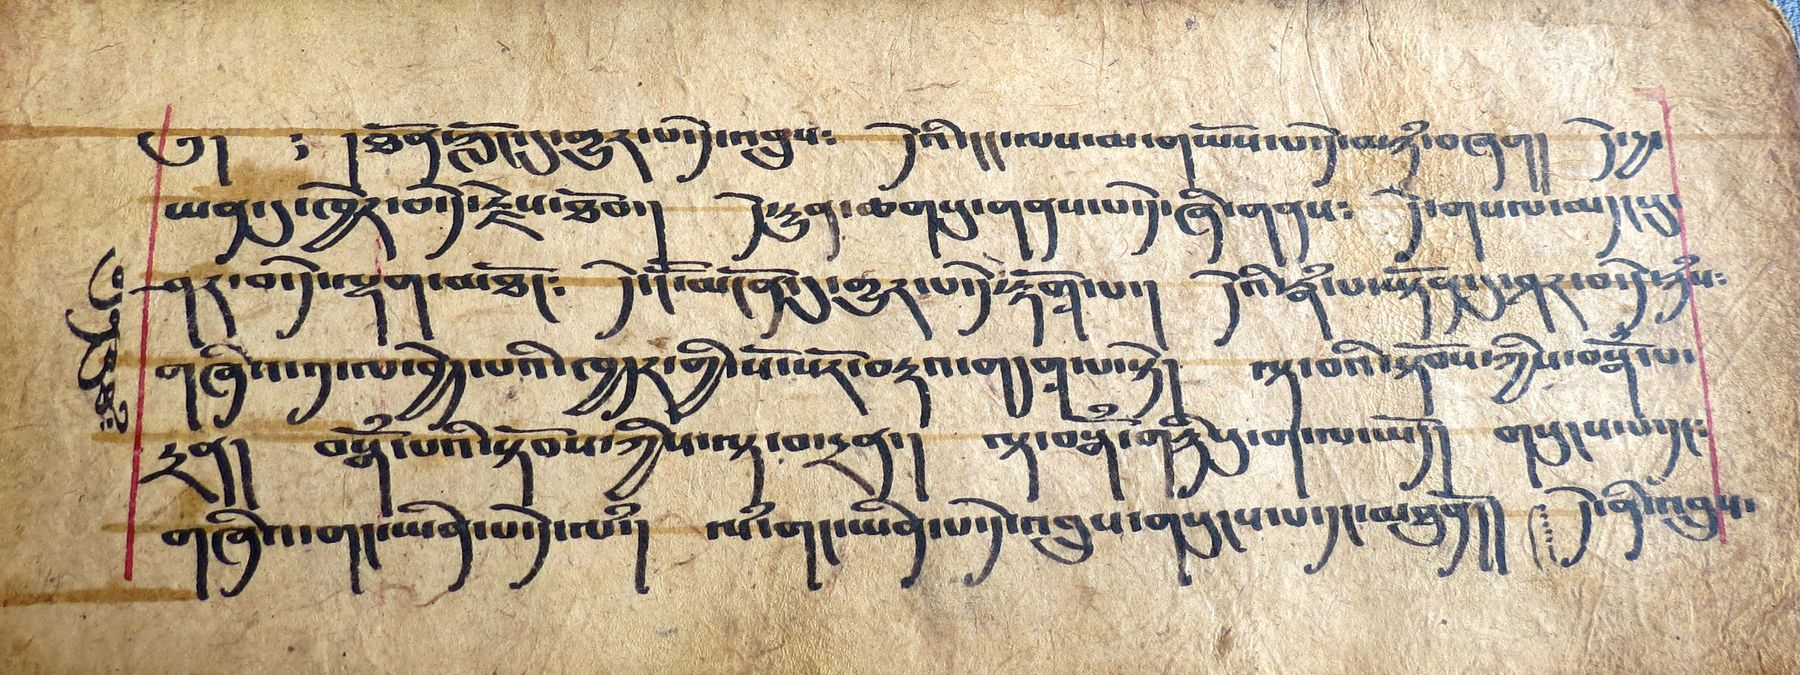ཐོན་ཀློང་དུ་གྱུར་པ་དེ་འབྲས་བུ། དེའི་ངང་ལས་མ་གཡོས་པ་དེ་མཉམ་བཞག དེ་རྒྱ་
ཡན་དུ་ཁྱེར་བ་དེ་རྗེས་ཐོབ། དེ་རྒྱུན་ཆགས་སུ་གནས་པ་དེ་ཞི་གནས། དེ་གསལ་མདངས་སུ་
ཤར་བ་དེ་ལྷག་མཐོང་། དེའི་ངོ་བོ་མངོན་དུ་གྱུར་པ་དེ་རྟོགས་པ། དེའི་རྣམ་པ་ཡོན་ཏན་དུ་ཤར་བ་དེ་ཉམས། 
གཞི་གཅིག་ལ་བྱེད་པའི་ཁྱད་པར་གྱི་སོ་སོར་བརྡ་བཏགས་པ་སྟེ། ལྟ་བའི་སྟོབས་ཀྱིས་བསྒོམ་པ་
དྲན། བསྒོམ་པའི་སྟོབས་ཀྱི་ལྟ་བ་དྲན། ལྟ་སྒོམ་གཉིས་སུ་ག་ལ་ཡོད་གསུངས་པ་དང་། 
གཞི་གང་ཡིན་པ་དེ་ལམ། ལམ་གང་ཡིན་པ་དེ་འབྲས་བུ་གསུངས་པ་དང་མཐུན་ནོ། ། དེ་ནི་འབྲས་བུ་